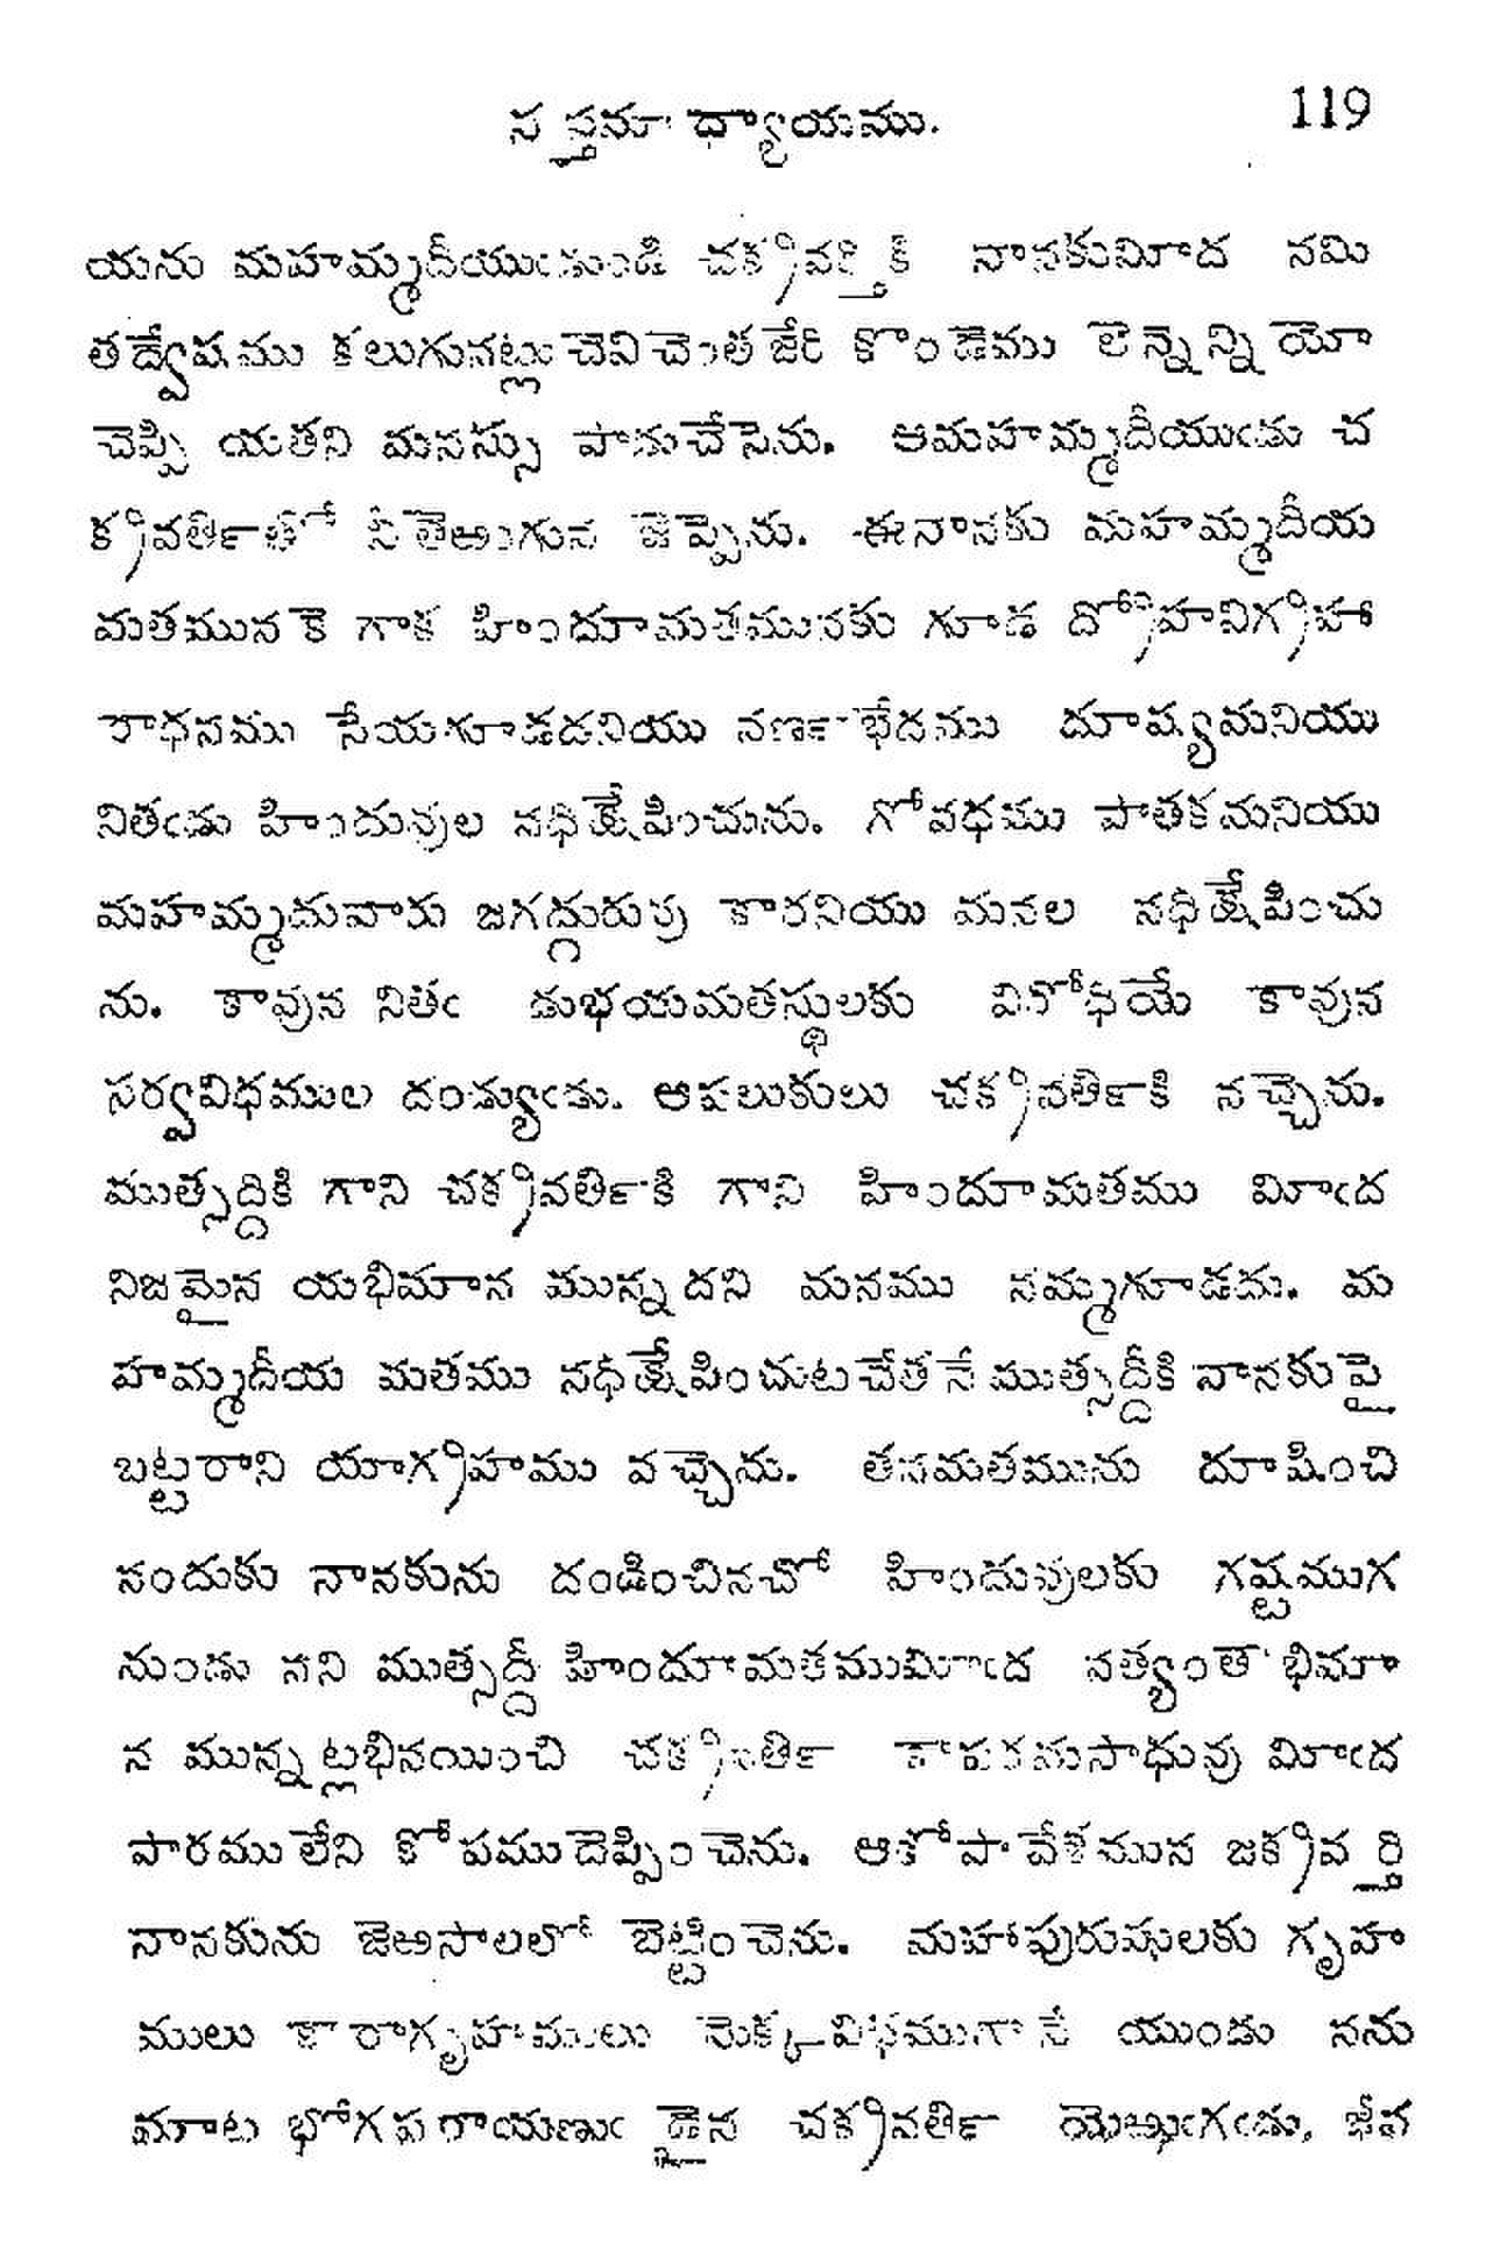యను మహమ్మదీయుడుండి చక్రవర్తికి నానకుమీద నమితద్వేషము కలుగునట్లు చెవిచెంతజేరి కొండెము లెన్నెన్నియో చెప్పి యతని మనస్సు పాడుచేసెను. ఆమహమ్మదీయుడు చక్రవతిన్‌తో నీతెఱంగున జెప్పెను. ఈనానకు మహమ్మదీయ మతమునకె గాక హిందూమతమునకు గూడ ద్రోహవిగ్రహారాధనము సేయగూడదనియు వణన్‌భేదము దూష్యమనియు నితడు హిందువుల నధిక్షేపించును. గోవధము పాతకమనియు మహమ్మదువారు జగద్గురువు కారనియు మనల నధిక్షేపించును. కావున నిత డుభయమతస్థులకు విరోధియే కావున సర్వవిధముల దండ్యుడు. ఆపలుకులు చక్రవతిన్‌కి నచ్చెను. ముత్సద్దికి గాని చక్రవతిన్‌కి గాని హిందూమతము మీద నిజమైన యభిమాన మున్నదని మనము నమ్మగూడదు. మహమ్మదీయ మతము నధిక్షేపించుట చేతనే ముత్సద్దీకి నానకుపై బట్టరాని యాగ్రహము వచ్చెను. తనమతమును దూషించి నందుకు నానకును దండించినచో హిందువులకు గష్టముగ నుండు నని ముత్సద్దీ హిందూమతముమీద నత్యంతాభిమాన మున్నట్లభినయించి చక్రవతిన్ కాపరమసాధువు మీద సారములేని కోపముదెప్పించెను. ఆకోపాదేశమున జక్రవర్తి నానకును జెఱసాలలో బెట్టించెను. మహాపురుషులకు గృహములు కారాగృహములు నొక్కవిధముగానే యుండు ననుమాట భోగపరాయణు డైన చక్రవతిన్ యెఱుగడు, జీవ